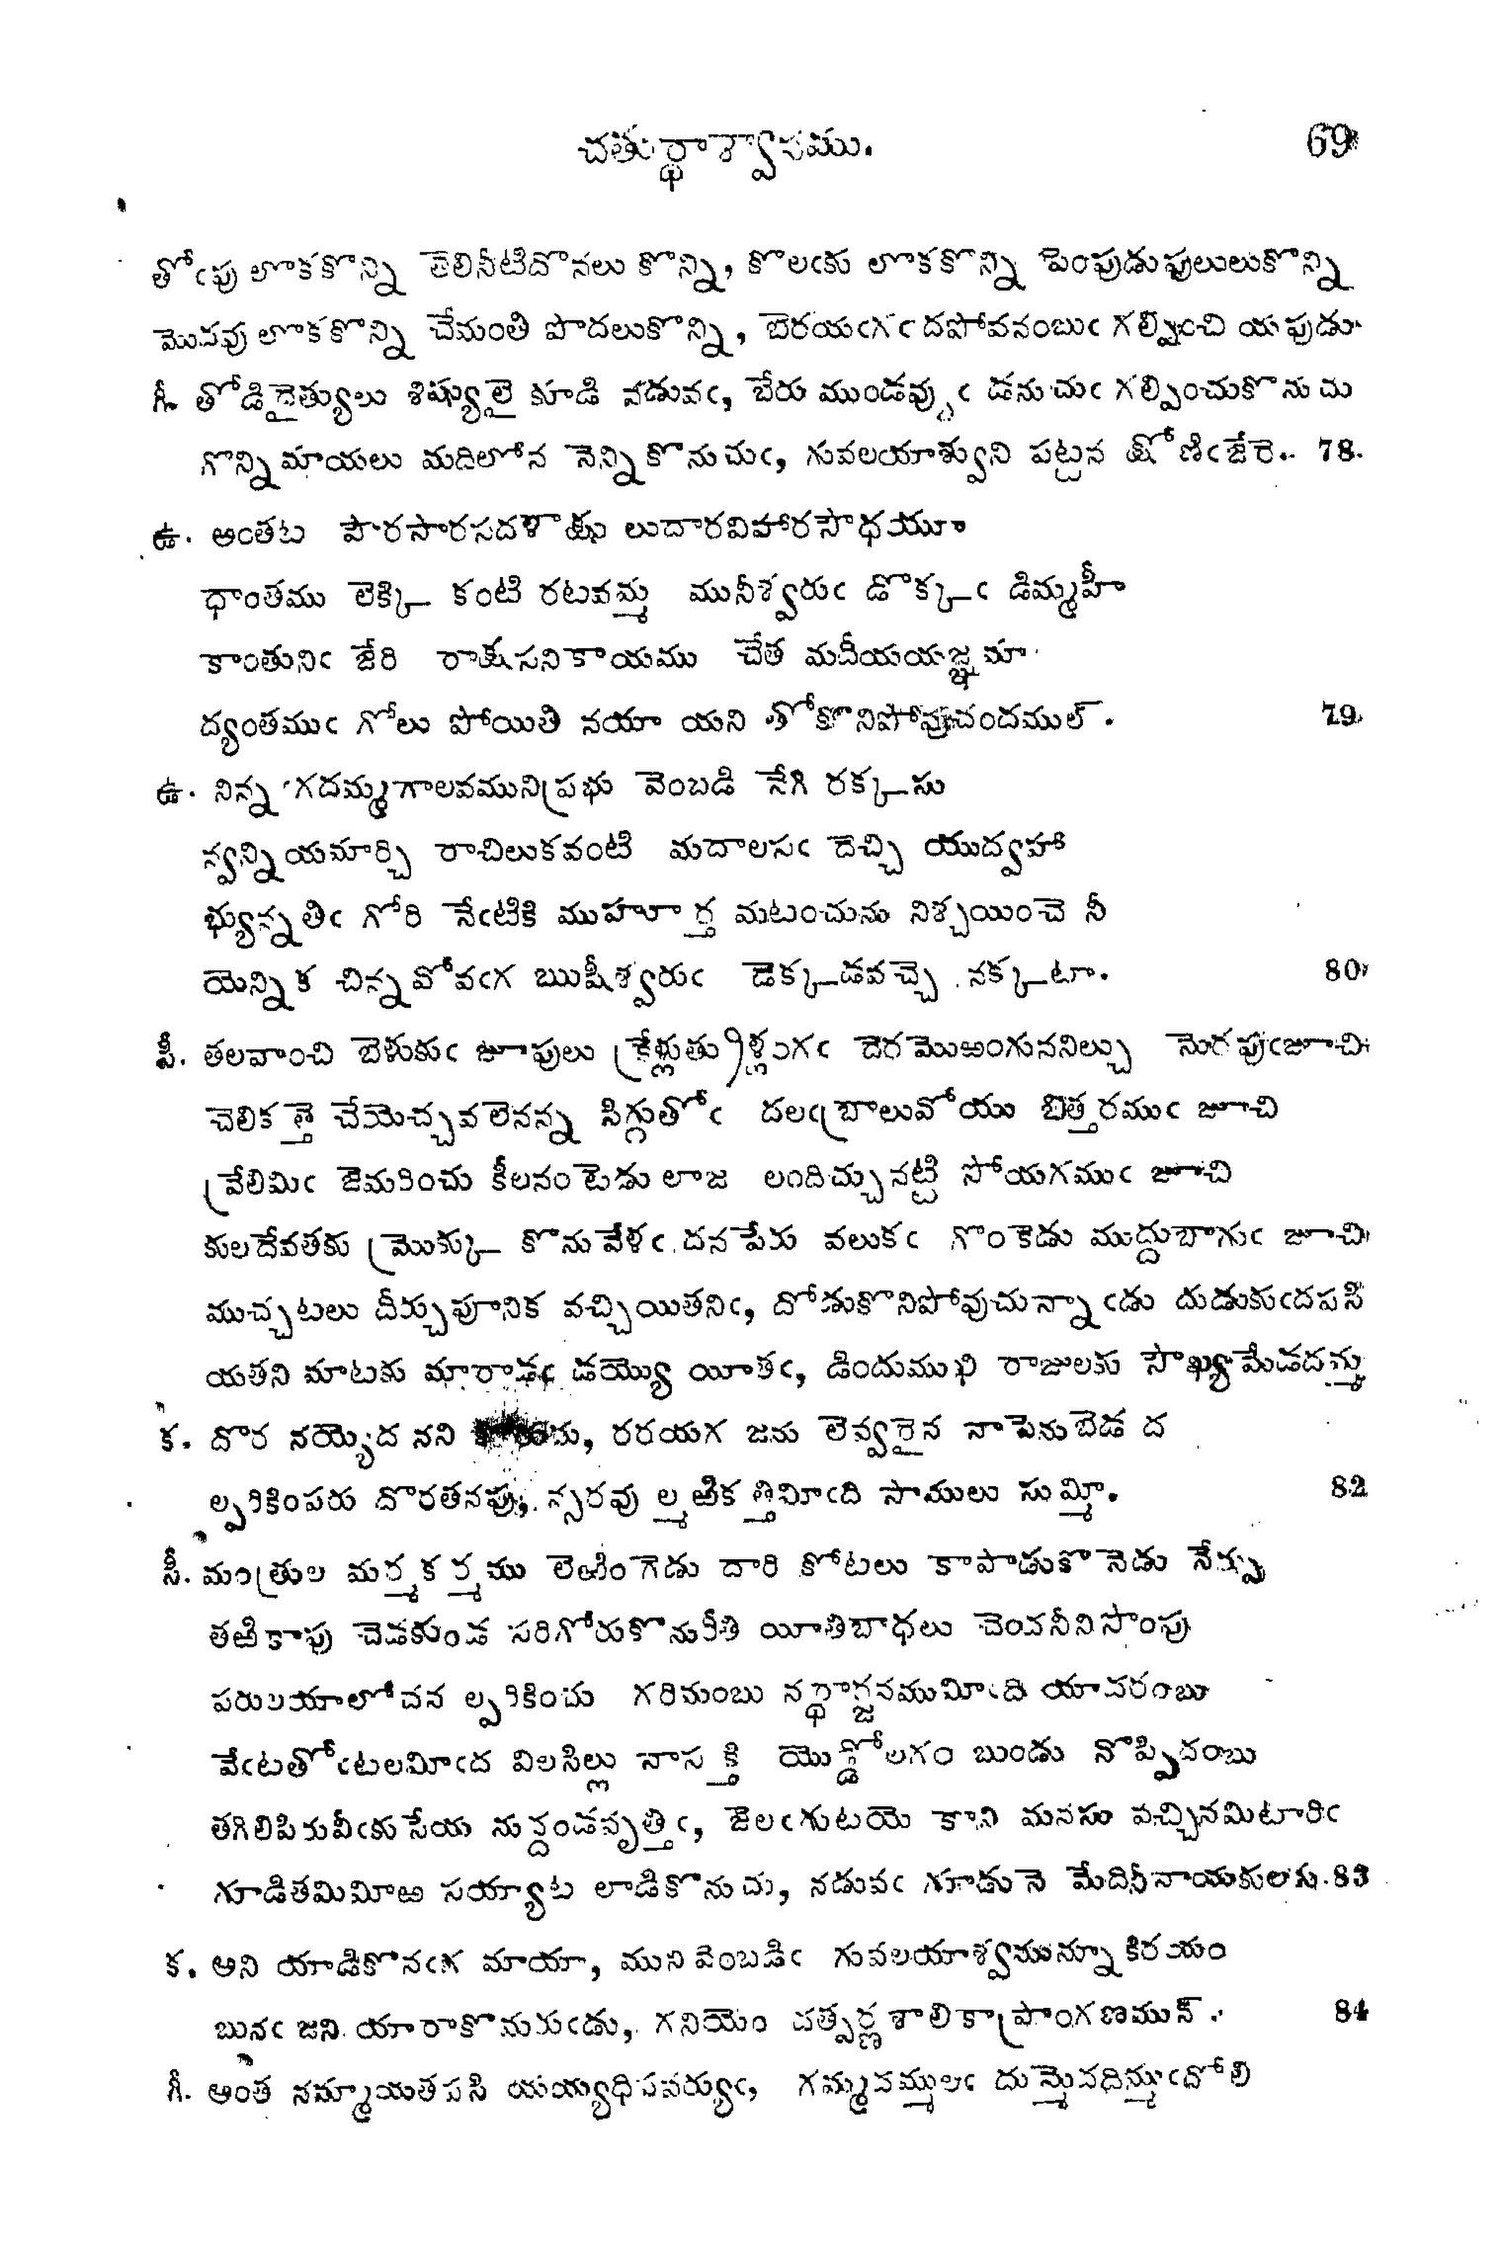తోఁపు లొకకొన్ని తెలినీటిదొనలు కొన్ని, కొలఁకు లొకకొన్ని పెంపుడుపులులు కొన్ని
మొదవు లొకకొన్ని చేమంతిపొదలు కొన్ని, బెరయఁగఁ దపోవనంబుఁ గల్పించి యపుడు.
గీ. తోడిదైత్యులు శిష్యులై కూడి నడువఁ, బేరు ముండవ్యుఁ డనుచుఁ గల్పించుకొనుచు
కొన్నిమాయలు మదిలోన నెన్నికొనుచుఁ, గువలయాశ్వుని పట్టనక్షోణిఁ జేరె.
ఉ. అంతట పౌరసారసదళాక్షు లుదారవిహారసౌధయూ
ధాంతము లెక్కి కంటి రటవమ్మ మునీశ్వరుఁ డొక్కఁ డిమ్మహీ
కాంతునిఁ జేరి రాక్షసనికాయముచేత మదీయయజ్ఞ మా
ద్యంతముఁ గోలుపోయితి నయా యని తోకొనిపోవుచందముల్.
ఉ. నిన్న గదమ్మ గాలవమునిప్రభు వెంబడి నేగి రక్కసు
న్వన్నియమార్చి రాచిలుకవంటి మదాలసఁ దెచ్చి యుద్వహా
భ్యున్నతిఁ గోరి నేఁటికి ముహూర్త మటంచును నిశ్చయించె నీ
యెన్నిక చిన్నవోవఁగ ఋషీశ్వరుఁ డెక్కడ వచ్చె నక్కటా.
పీ. తలవాంచి బెళుకుఁజూపులు క్రేళ్లు త్రుళ్లంగఁ దెరమొఱంగుననిల్చు నొరపుఁ జూచి
చెలికత్తె చేయెచ్చవలెనన్న సిగ్గుతోఁ దలఁబ్రాలు వోయు బిత్తరముఁ జూచి
వ్రేలిమిఁ జెమరించు కీలనంటెడు లాజ లందిచ్చునట్టి సోయగముఁ జూచి
కులదేవతకు మ్రొక్కుకొనువేళఁ దనపేరు వలుకఁగొంకెడు ముద్దుబాగుఁ జూచి
ముచ్చటలు దీర్చు పూనిక వచ్చియితనిఁ, దోడుకొనిపోవుచున్నాఁడు దుడుకుఁదపసి
యతని మాటకు మారాచఁ డయ్యొ యీతఁ, డిందుముఖి రాజులకు సౌఖ్య మేడదమ్మ.
క. దొర నయ్యెద నని కోరుదు, రరయగ జను లెవ్వరైన నాపెనుబెడద
ల్పరికింపరు దొరతనపు, న్సరవు ల్మఱి క త్తిమీఁది సాములు సుమ్మీ.
సీ. మంత్రుల మర్మకర్మము లెఱింగెడు దారి కోటలు కాపాడుకొనెడు నేర్పు
తఱికాపు చెడకుండ సరిగోరుకొనురీతి యీతిబాధలు చెందనీనిసొంపు
పరులయాలోచన ల్పరికించు గరిమంబు నర్థార్జనముమీఁది యాదరంబు
వేఁటతోఁటలమీఁద విలసిల్లు నాసక్తి యొడ్డోలగం బుండు నొప్పిదంబు
తగిలిపిరువీఁకు సేయ నుద్దండవృత్తిఁ, జెలఁగుటయె కాని మనసు వచ్చిన మిటారిఁ
గూడి తమి మీఱ సయ్యాట లాడికొనుచు, నడువఁగూడునె మేదినీనాయకులకు.
క. అని యాడికొనఁగ మాయా, మునివెంబడిఁ గువలయాశ్వ మున్నూకి రయం
బునఁ జని యారాకొమరుఁడు, గనియెం దత్పర్ణశాలికాప్రాంగణమున్.
గీ. అంత నమ్మాయతపసి యయ్యధిపవర్యుఁ, గమ్మదమ్ములఁ దుమ్మెదదిమ్ముఁ దోలి